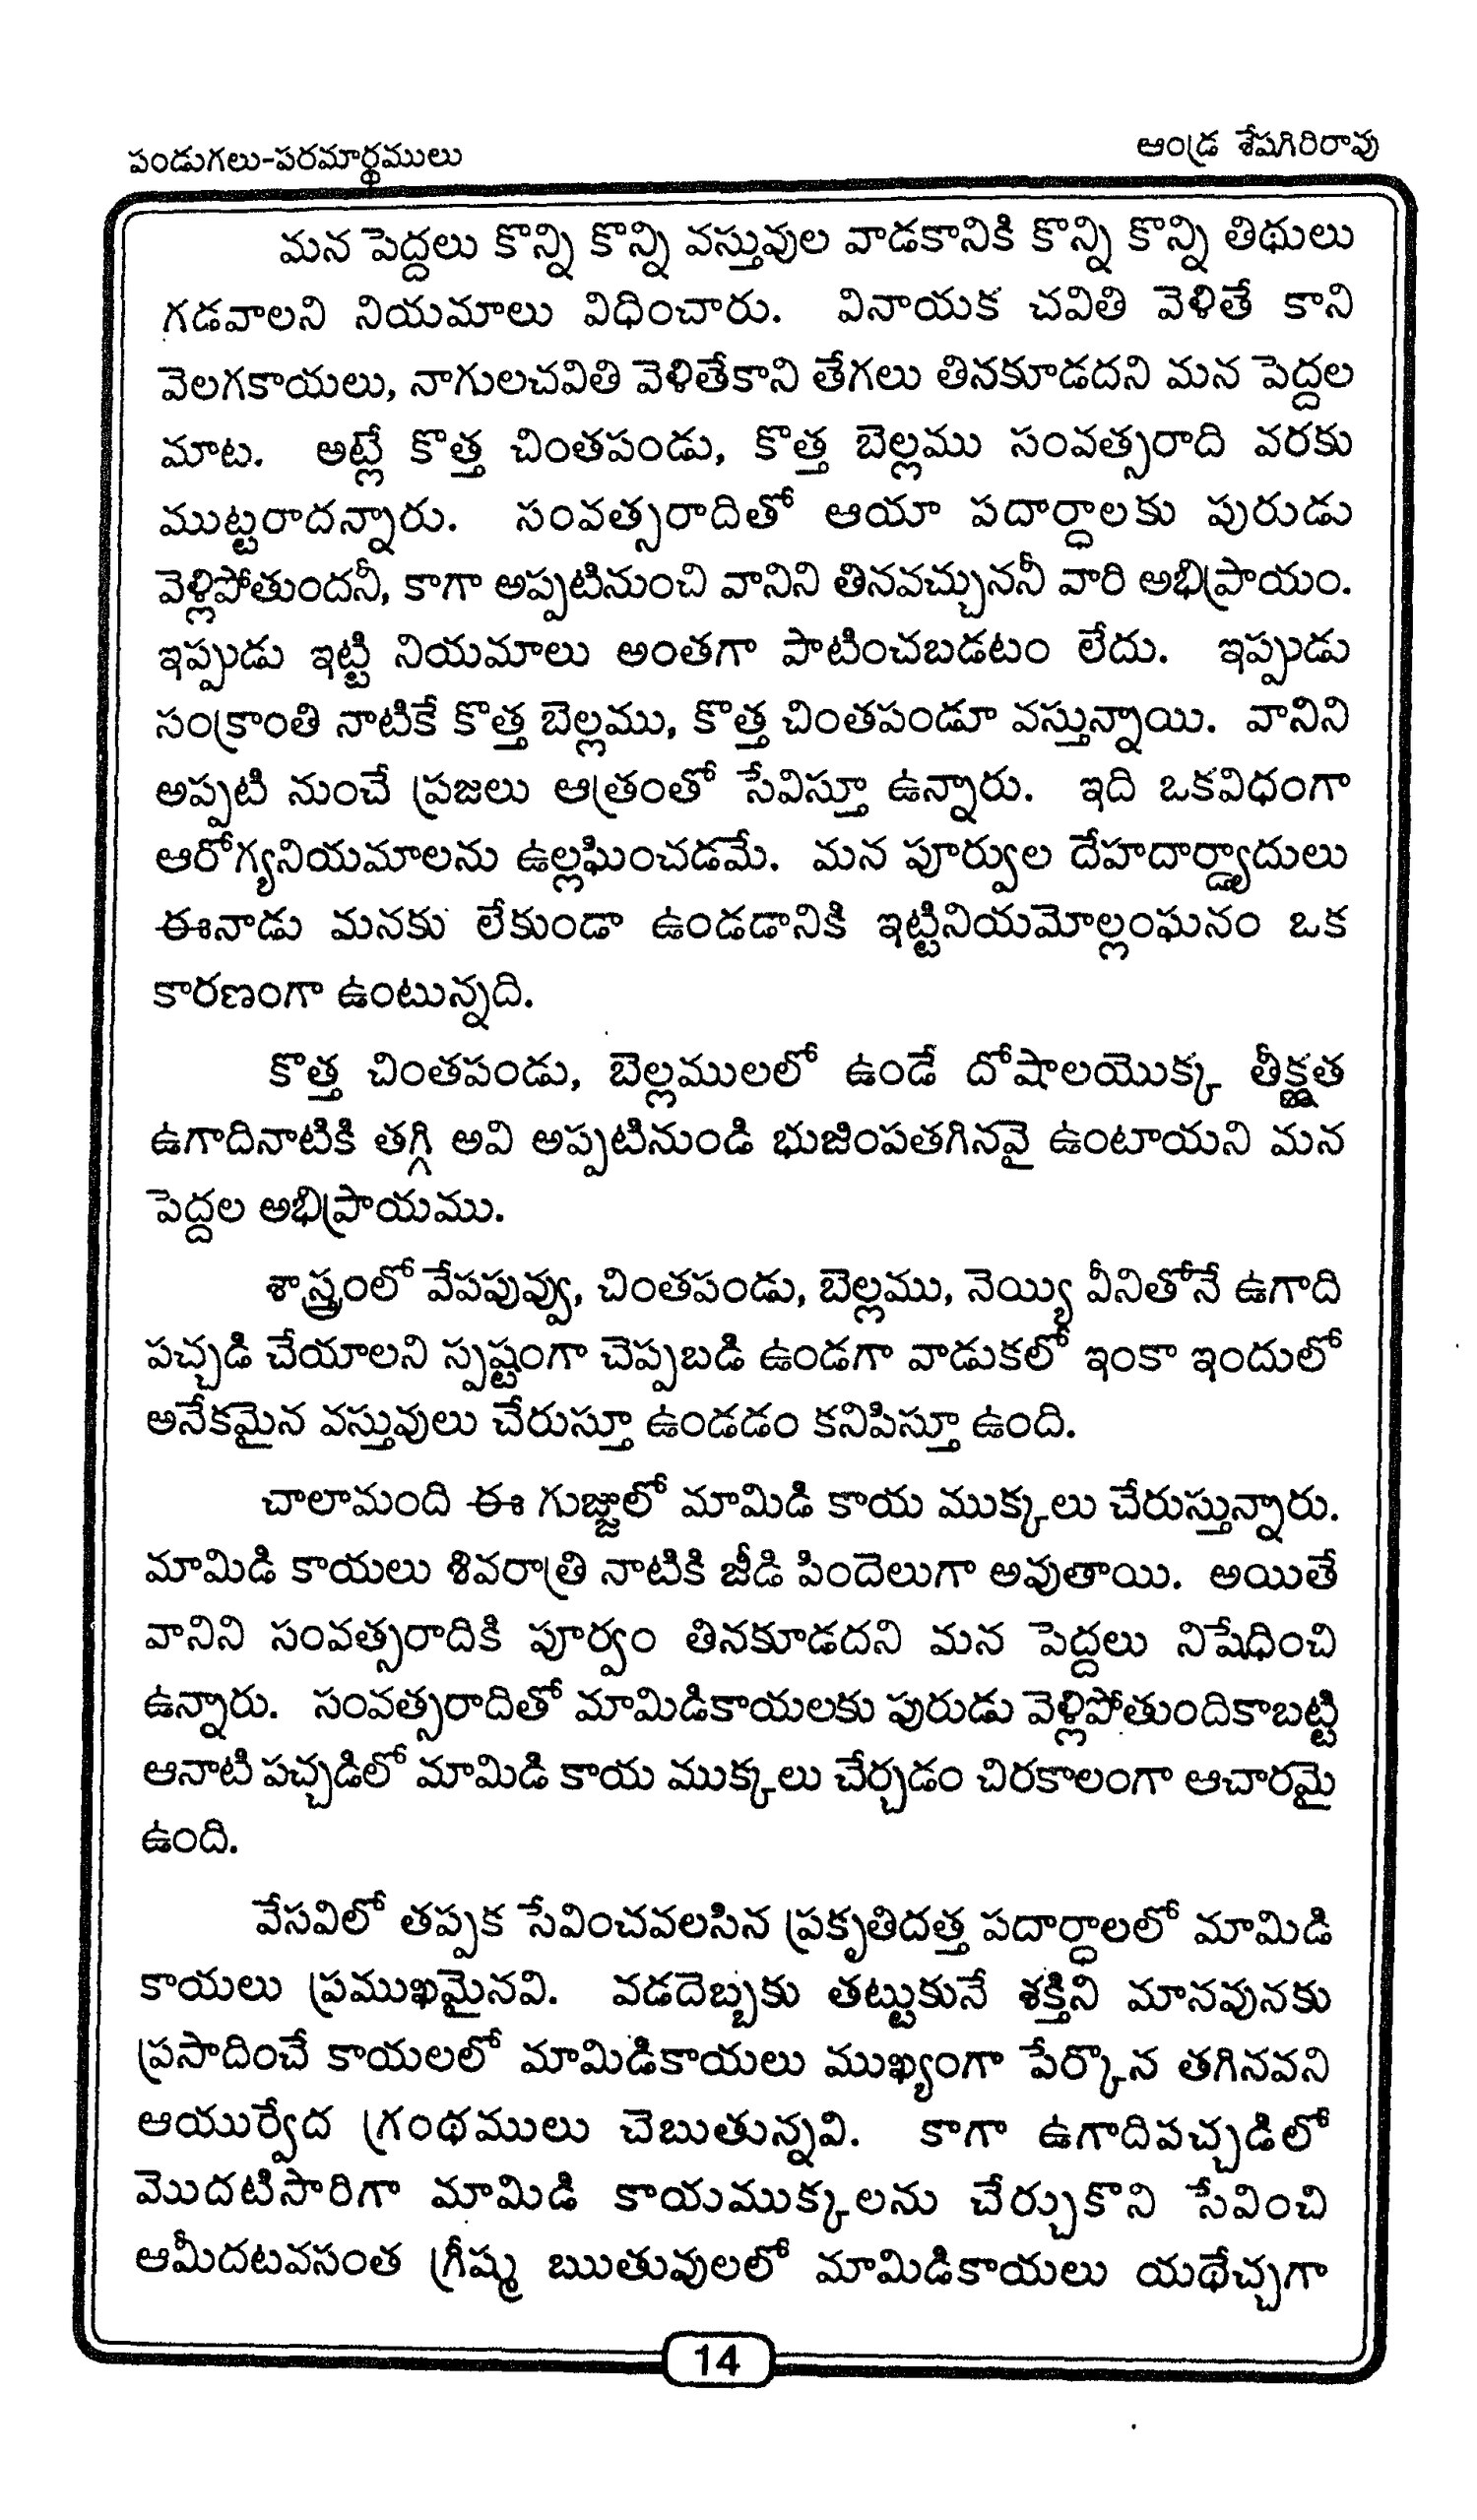మన పెద్దలు కొన్ని కొన్ని వస్తువుల వాడకానికి కొన్ని కొన్ని తిధులు గడవాలని నియమాలు విధించారు. వినాయక చవితి వెళితే కాని వెలగకాయలు, నాగులచవితి వెళితేకాని తేగలు తినకూడదని మన పెద్దల మాట. అట్లెకొత్త చింతపండు, కొత్త బెల్లము సంవత్సరాది వరకు ముట్టరాదన్నారు. సంవత్సరాదితో ఆయా పదార్ధాలకు పురుడు వెళ్లిపోతుందని , కాగా అప్పటినుంచి వానిని తినవచ్చుననీ వారి అభిప్రాయం. ఇప్పుడు ఇట్టి నియమాలు అంతగా పాటించడంలేదు. ఇప్పుడు సంక్రాంతి నాటికే కొత్త బెల్లం, కొత్త చింతపండూ వస్తున్నాయి. వానిని అప్పటి నుంచే ప్రజలు ఆత్రంతో సేవిస్తూ ఉన్నారు. ఇది ఒకవిధంగా ఆరోగ్యనిమయాలము ఉల్లంఘించడమే. మన పూర్వులు దేహదార్ద్యాదులు ఈనాడు మనకు లేకుండా ఉండడానికి ఇట్టినియమోల్లంఘనం ఒక కారణంగా ఉంటున్నది.
 కొత్త చింతపందు, బెల్లములలో ఉండే దోషాలయొక్క తీక్షత ఉగాదినాటికి తగ్గి అవి అప్పటినుండి భుజింపతగినవై ఉంటాయని మన పెద్దల అభిప్రాయము.
 శాస్త్రంలో వేపపువ్వు, చింతపండు, బెల్లము, నెయ్యి వీనితోనే ఉగాది పచ్చడి చేయాలని స్పస్ఠంగా చెప్పబడి ఉండగా వాదుకలో ఇంకా ఇందులో అనేకమైన వస్తువులు చేరుస్తూ ఉండడం కనిపిస్తూఉంది.
 చాలామంది ఈ గుజ్జులో మామిడి కాయ ముక్కలు చేరుస్తున్నారు. మామిడి కాయలు శివరాత్రి నాటికి జీడి పెందెలుగా అవుతాయి. అయితే వానిని సంవత్సరాదికి పూర్వం తినకూడదని మన పెద్దలు నిషేదించి ఉన్నారు. సంవత్సరాదిలో మామిడి కాయ యొక్క ముక్కలు చేర్చడం చిరకాలంగా ఆచారమై ఉంది.
 వేసవిలో తప్పక సేవించచలసిన ప్రకృతిదత్త పదార్ధాలలో మామిడి కాయలు ప్రముఖమైనవి. వడదెబ్బకు తట్టుకునే శక్తిని మానవునకు ప్రసాదించే కాయలలో మామిడికాయలు ముఖ్య్హంగా పేర్కొన తగినవవని ఆయుర్వేద గ్రంధములు చెబుతున్నవి. కాగా ఉగాదిపచ్చడిలో మొదటిసారిగా మామిడి కాయముక్కలను చేర్చుకొని సేవించి ఆమీదటవసంత గ్రీష్మ ఋతువులలో మామిడికాయలు యధేచ్చగా